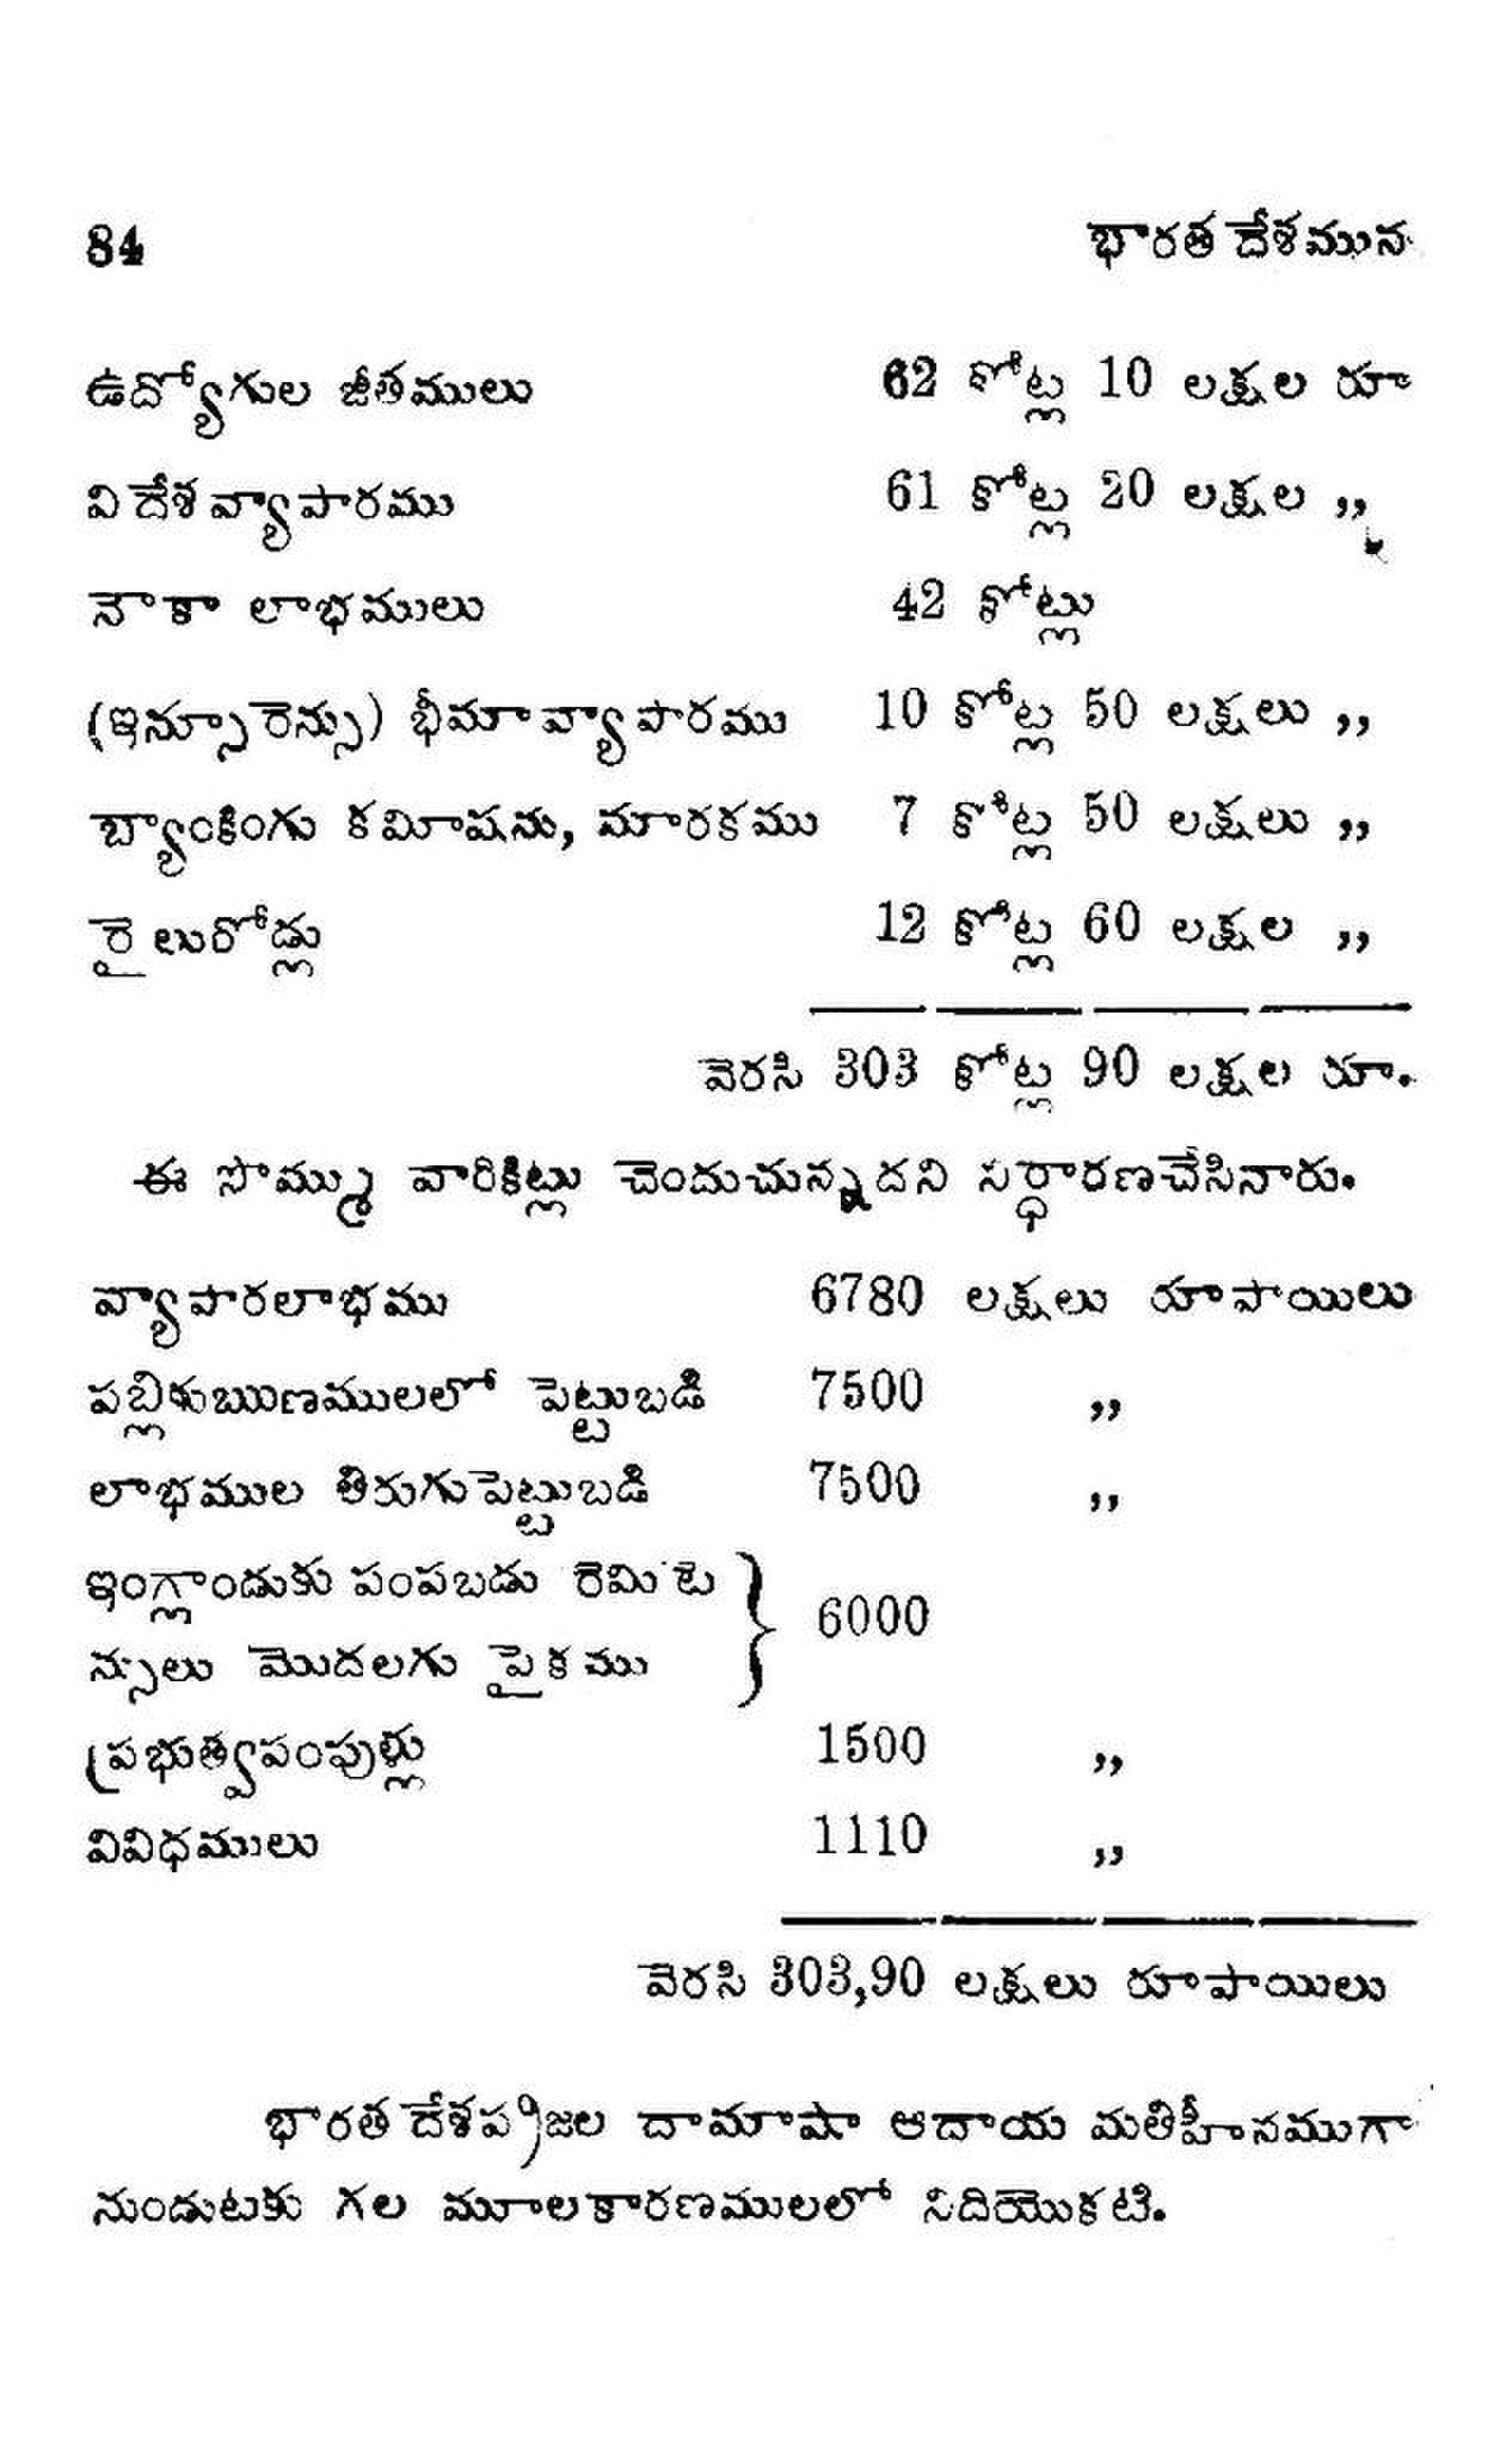ఉద్యోగుల జీతములు 62 కోట్ల 10 లక్షల రూ విదేశవ్యాపారము 61 కోట్ల 20 లక్షల రూ నౌకా లాభములు 42 కోట్లు (ఇన్సూరెన్సు) భీమావ్యాపారము 10 కోట్ల 50 లక్షలు రూ బ్యాకింగు కమీషను, మారకము 7 కోట్ల 50 లక్షలు రూ రైలురోడ్లు 12 కోట్ల 60 లక్షల రూ వెరసి 303 కోట్ల 90 లక్షల రూ

ఈ సొమ్ము వారికిట్లు చెందుచున్నదని నిర్ధరాణచేసినారు.

 వ్యాపారలాభము 6780 లక్షలు రూపాయిలు పబ్లికుఋణములలో పెట్టుబడి 7500 లక్షలు రూపాయిలు లాభముల తిరుగుపెట్టుబడి 7500 లక్షలు రూపాయిలు ఇంగ్లాండుకు పంపబడు రెమిటెన్సులు మొదలగు పైకము 6000 లక్షలు రూపాయిలు ప్రభుత్వపంపుళ్లు 1500 లక్షలు రూపాయిలు వివిధములు 1110 లక్షలు రూపాయిలు వెరసి 303,90 లక్షలు రూపాయిలు

భారతదేశప్రజల దామాషా ఆదాయ మతిహీనముగా నుండుటకు గల మూలకారణములలో నిదియొకటి.